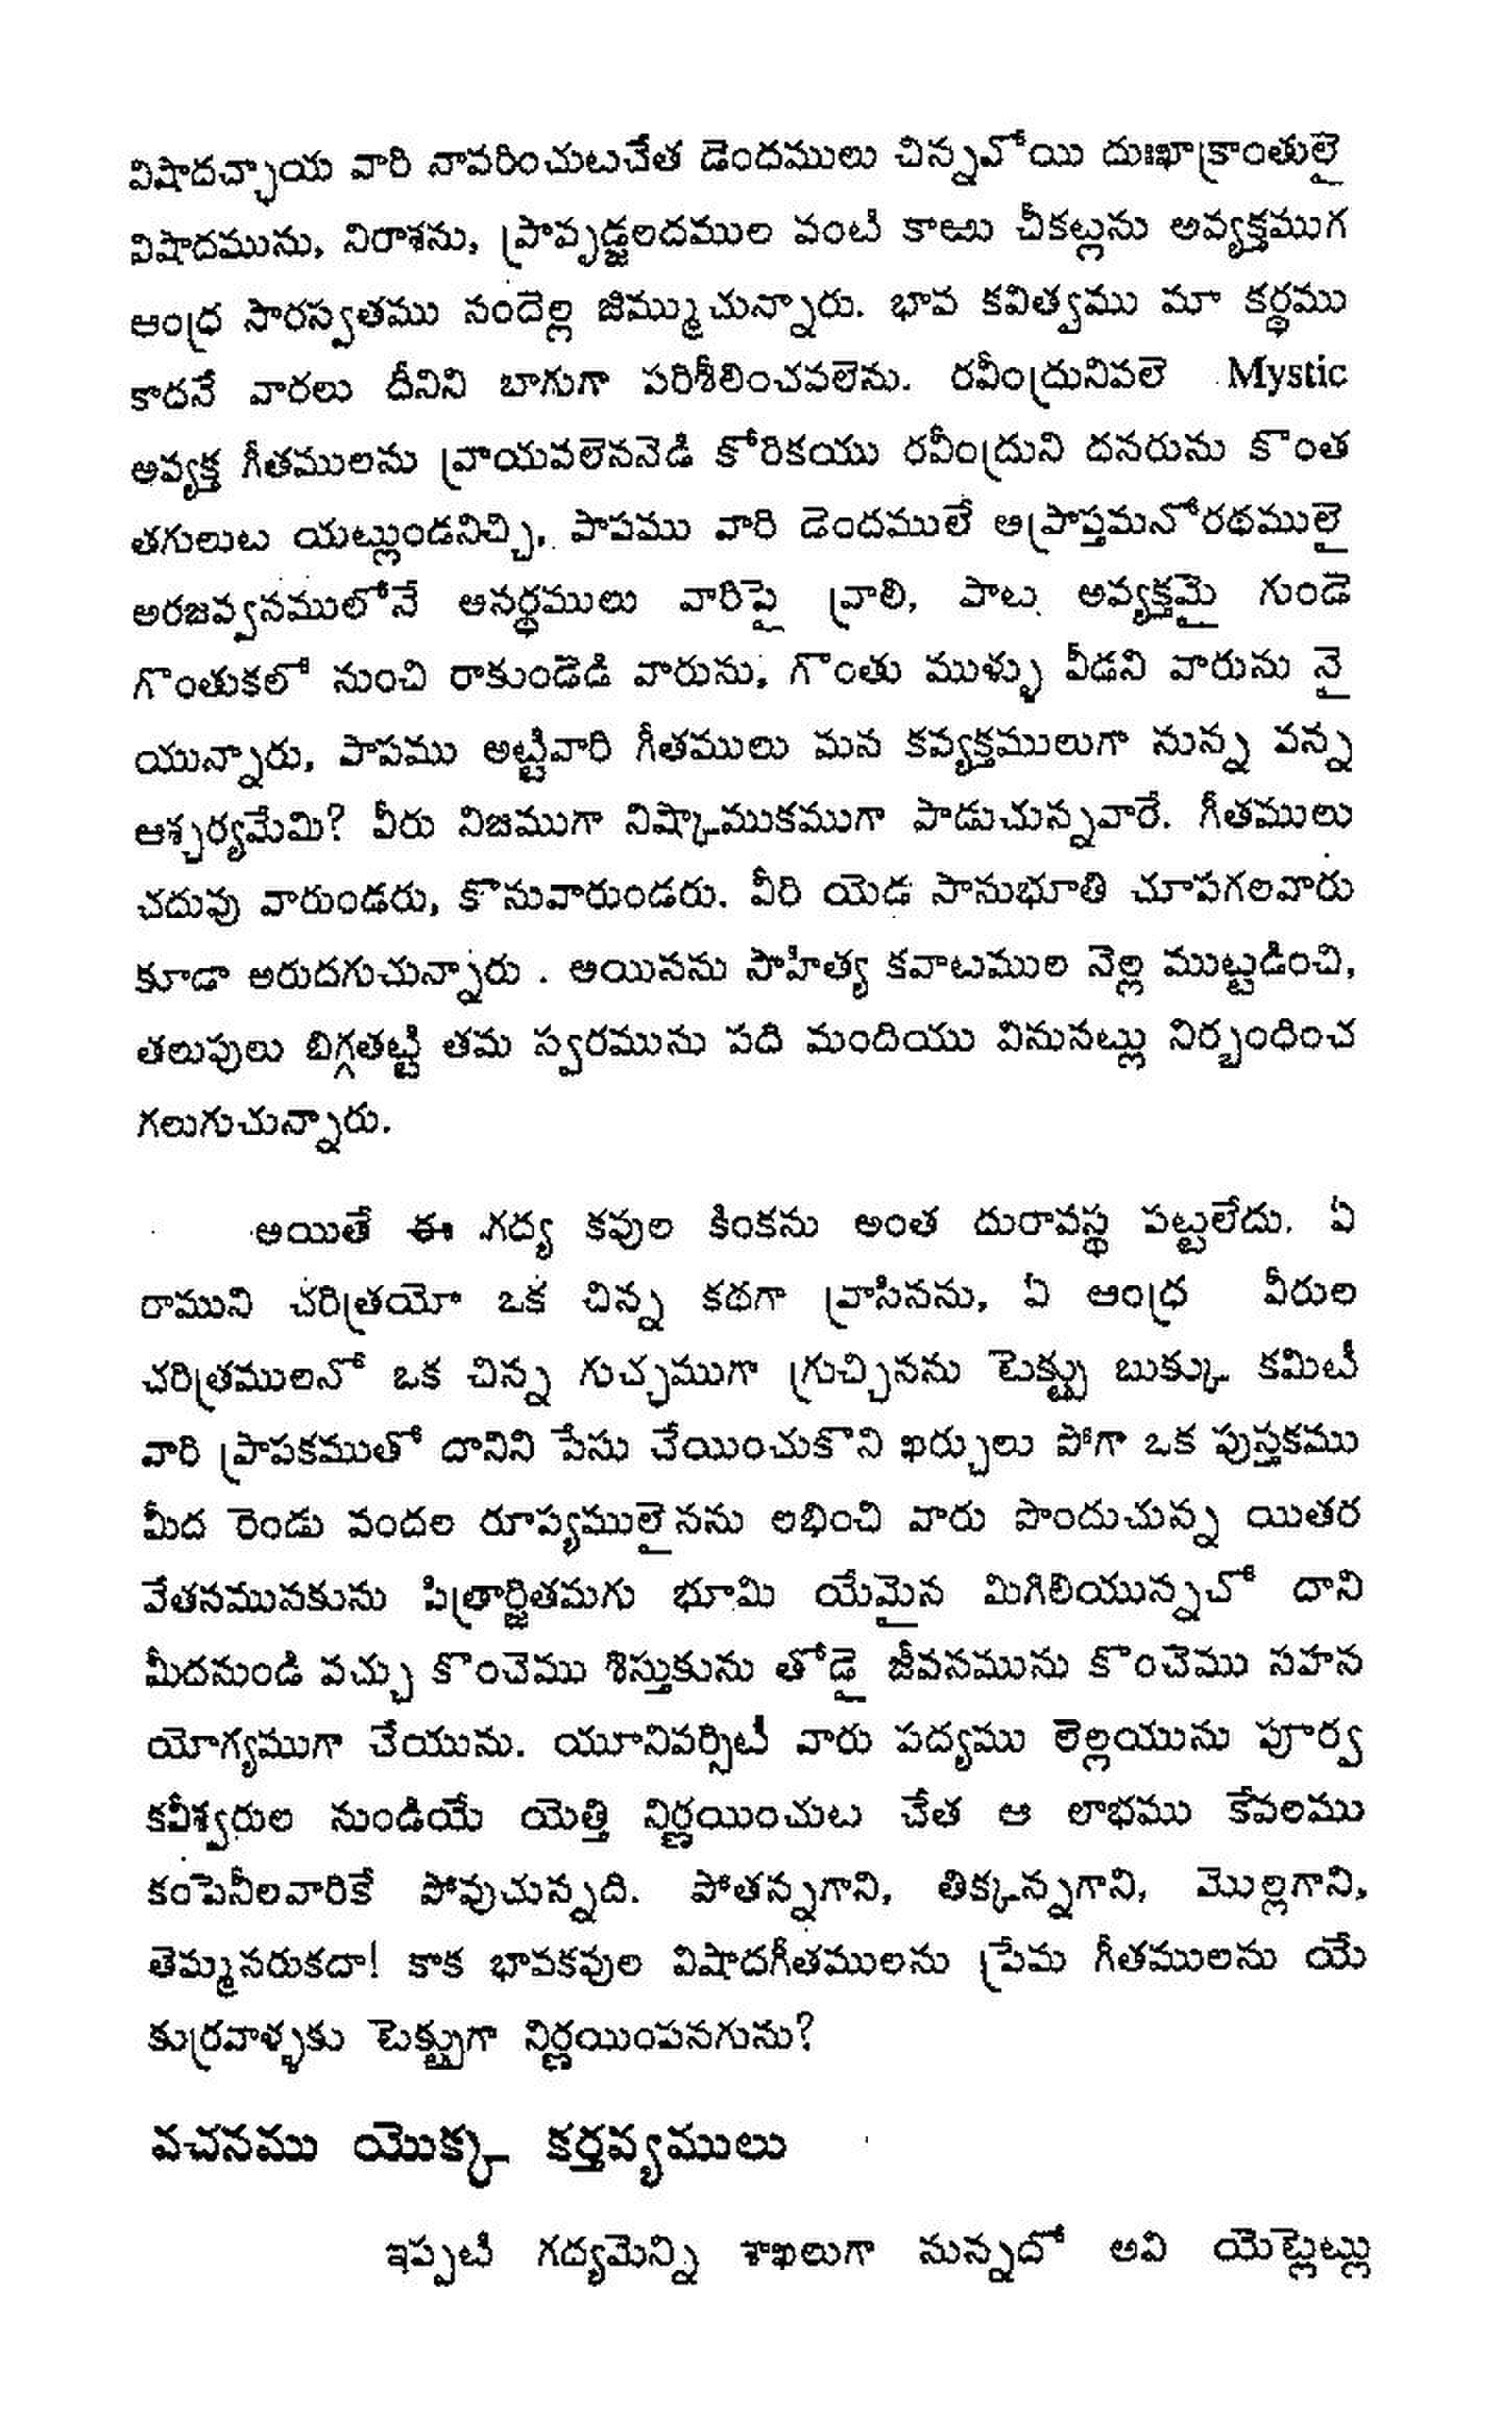విషాదచ్ఛాయ వారి నావరించుటచేత డెందములు చిన్నవోయి దు:ఖాక్రాంతులై విషాదమును, నిరాశను, ప్రావృడ్జలదముల వంటి కాఱు చీకట్లను అవ్యక్తముగ ఆంధ్ర సారస్వతము నందెల్ల జిమ్ముచున్నారు. భావ కవిత్వము మా కర్థము కాదనే వారలు దీనిని బాగుగా పరిశీలించవలెను. రవీంద్రునివలె Mystic అవ్యక్త గీతములను వ్రాయవలెననెడి కోరికయు రవీంద్రుని దనరును కొంత తగులుట యట్లుండనిచ్చి, పాపము వారి డెందములే అప్రాప్తమనోరధములై అరజవ్వనములోనే అనర్థములు వారిపై వ్రాలి, పాట అవ్యక్తమై గుండె గొంతుకలో నుంచి రాకుండెడి వారును, గొంతు ముళ్ళు వీడని వారును నై యున్నారు. పాపము అట్టివారి గీతములు మన కవ్యక్తములుగా నున్న వన్న ఆశ్చర్యమేమి? వీరు నిజముగా నిష్కాముకముగా పాడుచున్నవారే. గీతములు చదువు వారుండరు, కొనువారుండరు. వీరి యెడ సానుభూతి చూపగలవారు కూడా అరుదగుచున్నారు. అయినను సాహిత్య కవాటముల నెల్ల ముట్టడించి, తలుపులు బిగ్గతట్టి తమ స్వరమును పది మందియు వినునట్లు నిర్భంధించ గలుగుచున్నారు.

అయితే ఈ గద్య కవుల కింకను అంత దురావస్థ పట్టలేదు. ఏ రాముని చరిత్రయో ఒక చిన్న కథగా వ్రాసినను, ఏ ఆంధ్ర వీరుల చరిత్రములనో ఒక చిన్న గుచ్చముగా గ్రుచ్చినను టెక్ట్సు బుక్కు కమిటీవారి ప్రాపకముతో దానిని పేసు చేయించుకొని ఖర్చులు పోగా ఒక పుస్తకము మీద రెండు వందల రూప్యములైనను లభించి వారు పొందుచున్న యితర వేతనమునకును పిత్రార్జితమగు భూమి యేమైన మిగిలియున్నచో దాని మీదనుండి వచ్చు కొంచెము శిస్తుకును తోడై జీవనమును కొంచెము సహన యోగ్యముగా చేయును. యూనివర్సిటీ వారు పద్యము లెల్లయును పూర్వ కవీశ్వరుల నుండియే యెత్తి నిర్ణయించుట చేత ఆ లాభము కేవలము కంపెనీలవారికే పోవుచున్నది. పోతన్నగాని, తిక్కన్నగాని, మొల్లగాని, తెమ్మనరుకదా! కాక భావకవుల విషాదగీతములను ప్రేమ గీతములను యే కుర్రవాళ్ళకు టెక్ట్సుగా నిర్ణయింపనగును?
 
వచనము యుక్క కర్తవ్యములు 

ఇప్పటి గద్యమెన్ని శాఖలుగా నున్నదో అవి యెట్లెట్లు